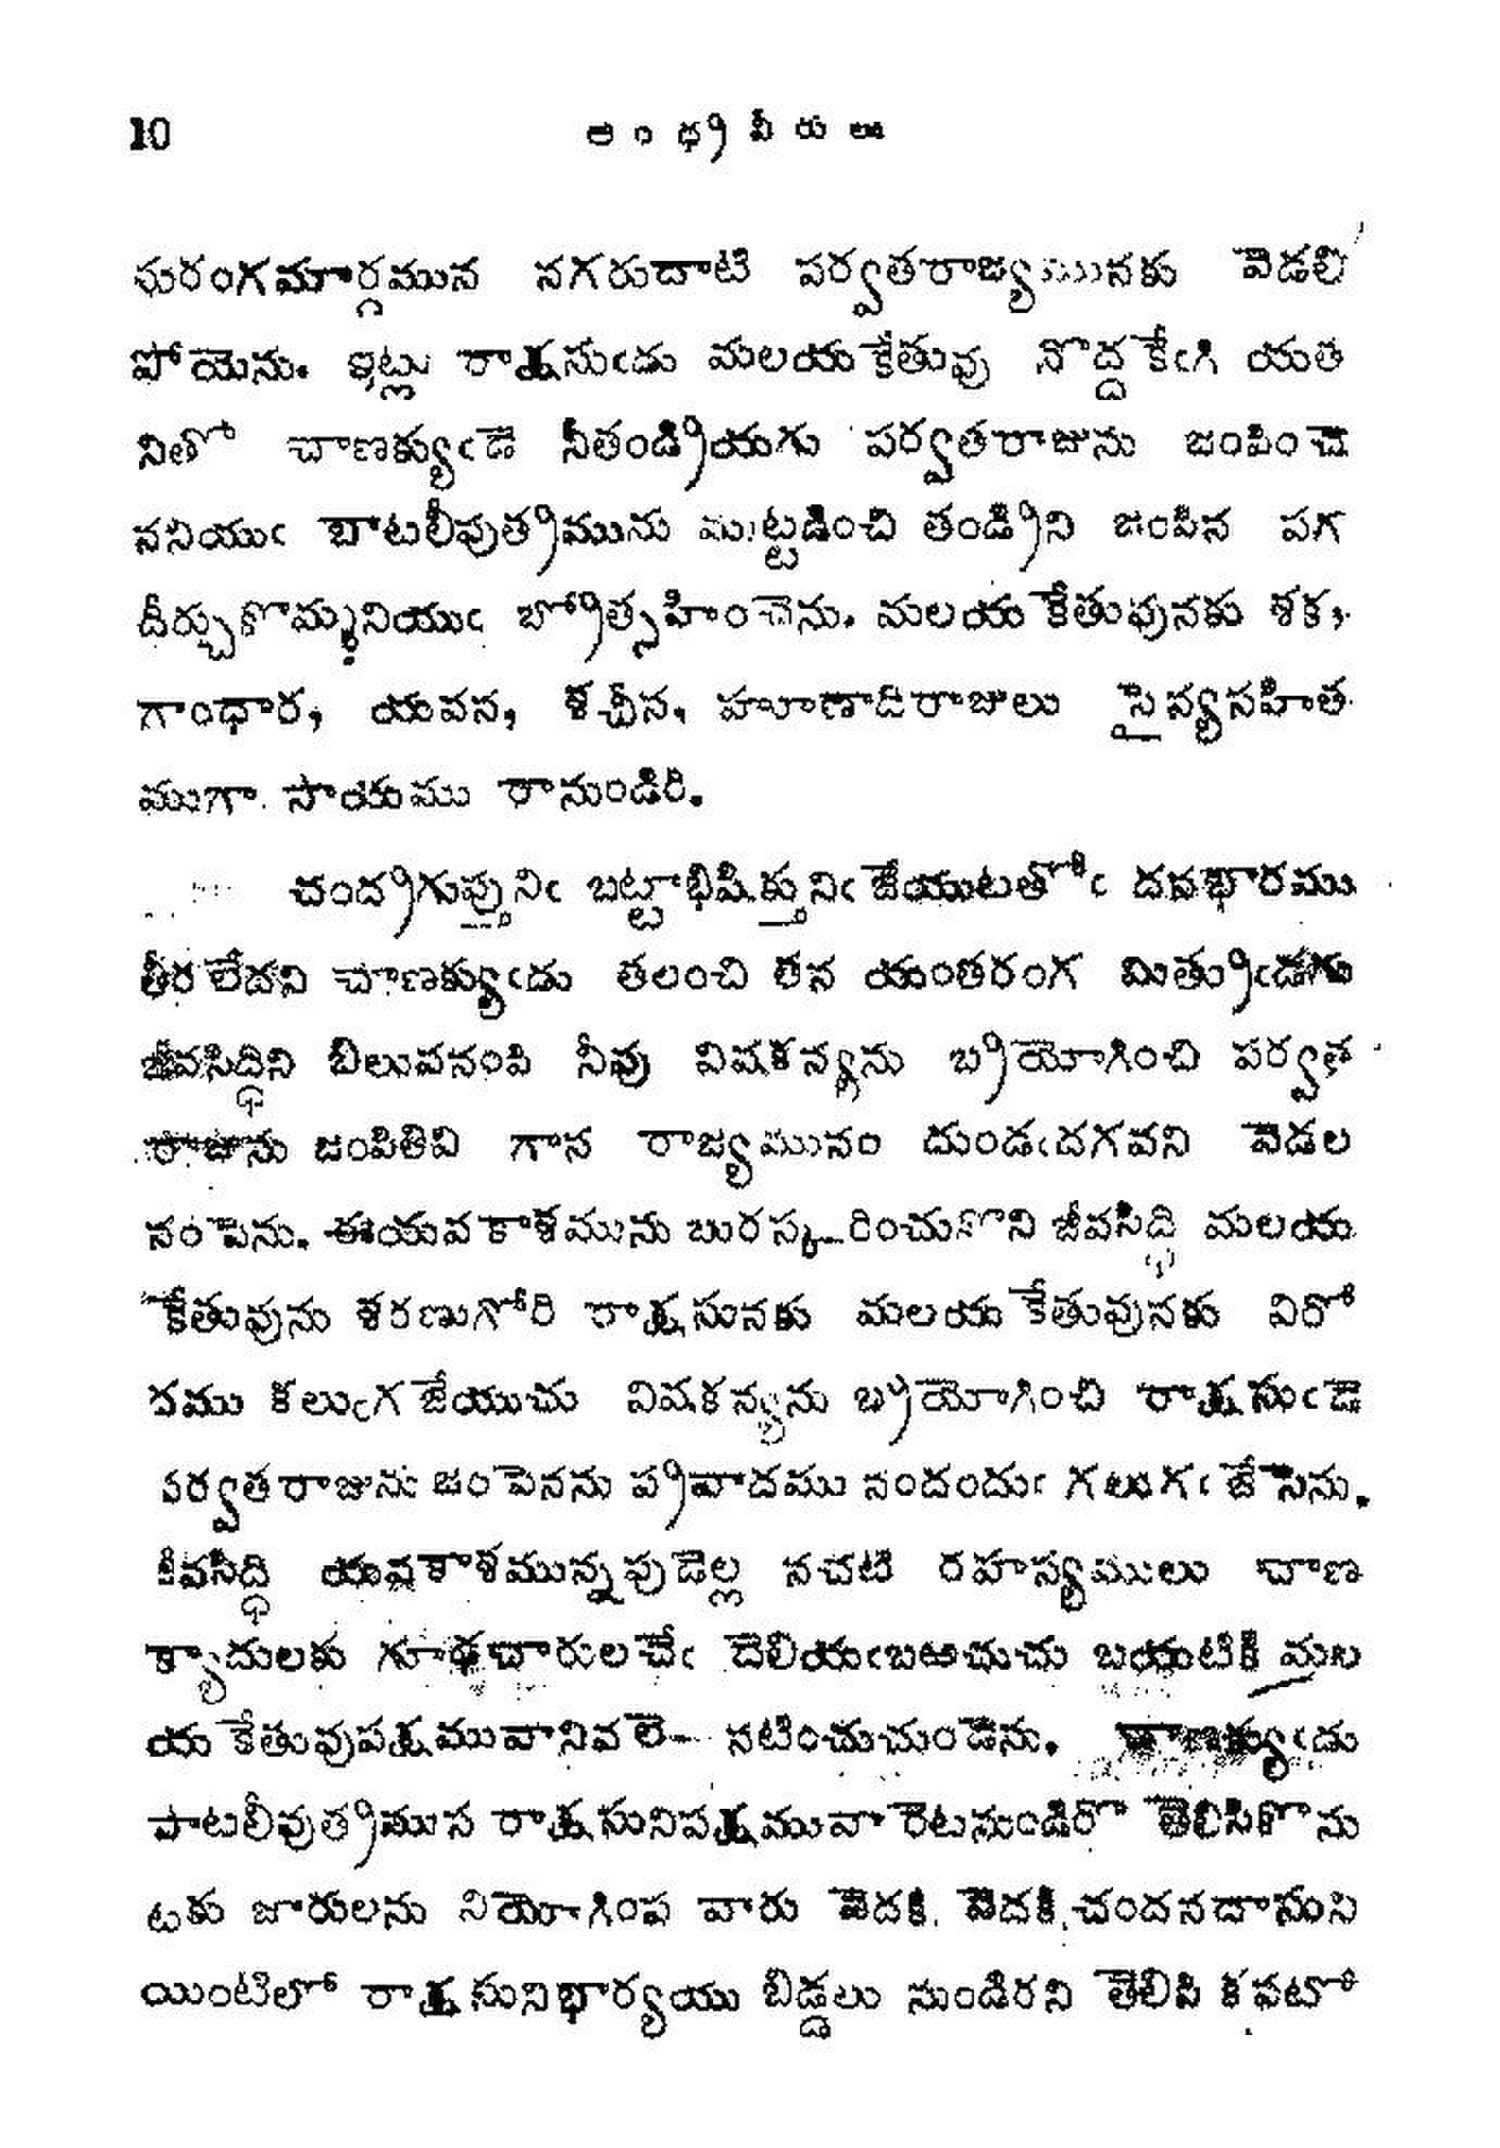సురంగమార్గమున నగరుదాటి పర్వతరాజ్యమునకు వెడలి పోయెను. ఇట్లు రాక్షసుడు మలయ కేతువు నొద్దకేగి యతనితో చాణక్యుడె నీతండ్రియగు పర్వతరాజును జంపించెననియు బాటలీపుత్రమును ముట్టడించి తండ్రిని జంపిన పగ దీర్చు కొమ్మనియు బ్రోత్సహించెను. మలయ కేతువునకు శక, గాంధార, యవన, శచీన, హూణాదిరాజులు సైన్యసహితముగా సాయము రానుండిరి.

చంద్రగుప్తుని బట్టాభిషిక్తుని జేయుటతో దనభారము తీరలేదని చాణక్యుడు తలంచి తన యంతరంగ మిత్రుడగు జీవసిద్ధిని బిలువనంపి నీవు విషకన్యను బ్రయోగించి పర్వతరాజును జంపితివి గాన రాజ్యమునం దుండదగవని వెడల నంపెను. ఈయవకాశమును బురస్కరించుకొని జీవసిద్ధి మలయ కేతువును శరణుగోరి రాక్షసునకు మలయ కేతువునకు విరోదము కలుగజేయుచు విషకన్యను బ్రయోగించి రాక్షసుడె పర్వతరాజును జంపెనను ప్రవాదము నందందు గలుగ జేసెను. జీవసిద్ధి యవకాశమున్నపుడెల్ల నచటి రహస్యములు చాణక్యాదులకు గూడచారులచే దెలియబఱచుచు బయటికి మలయ కేతువు పక్షమువానివలె నటించుచుండెను. చాణక్యుడు పాటలీపుత్రమున రాక్షసుని పక్షము వారెటనుండిరొ తెలిసికొనుటకు జారులను నియోగింప వారు వెదకి వెదకి చందనదాసుని యింటిలో రాక్షసుని భార్యయు బిడ్డలు నుండిరని తెలిసి కపటో